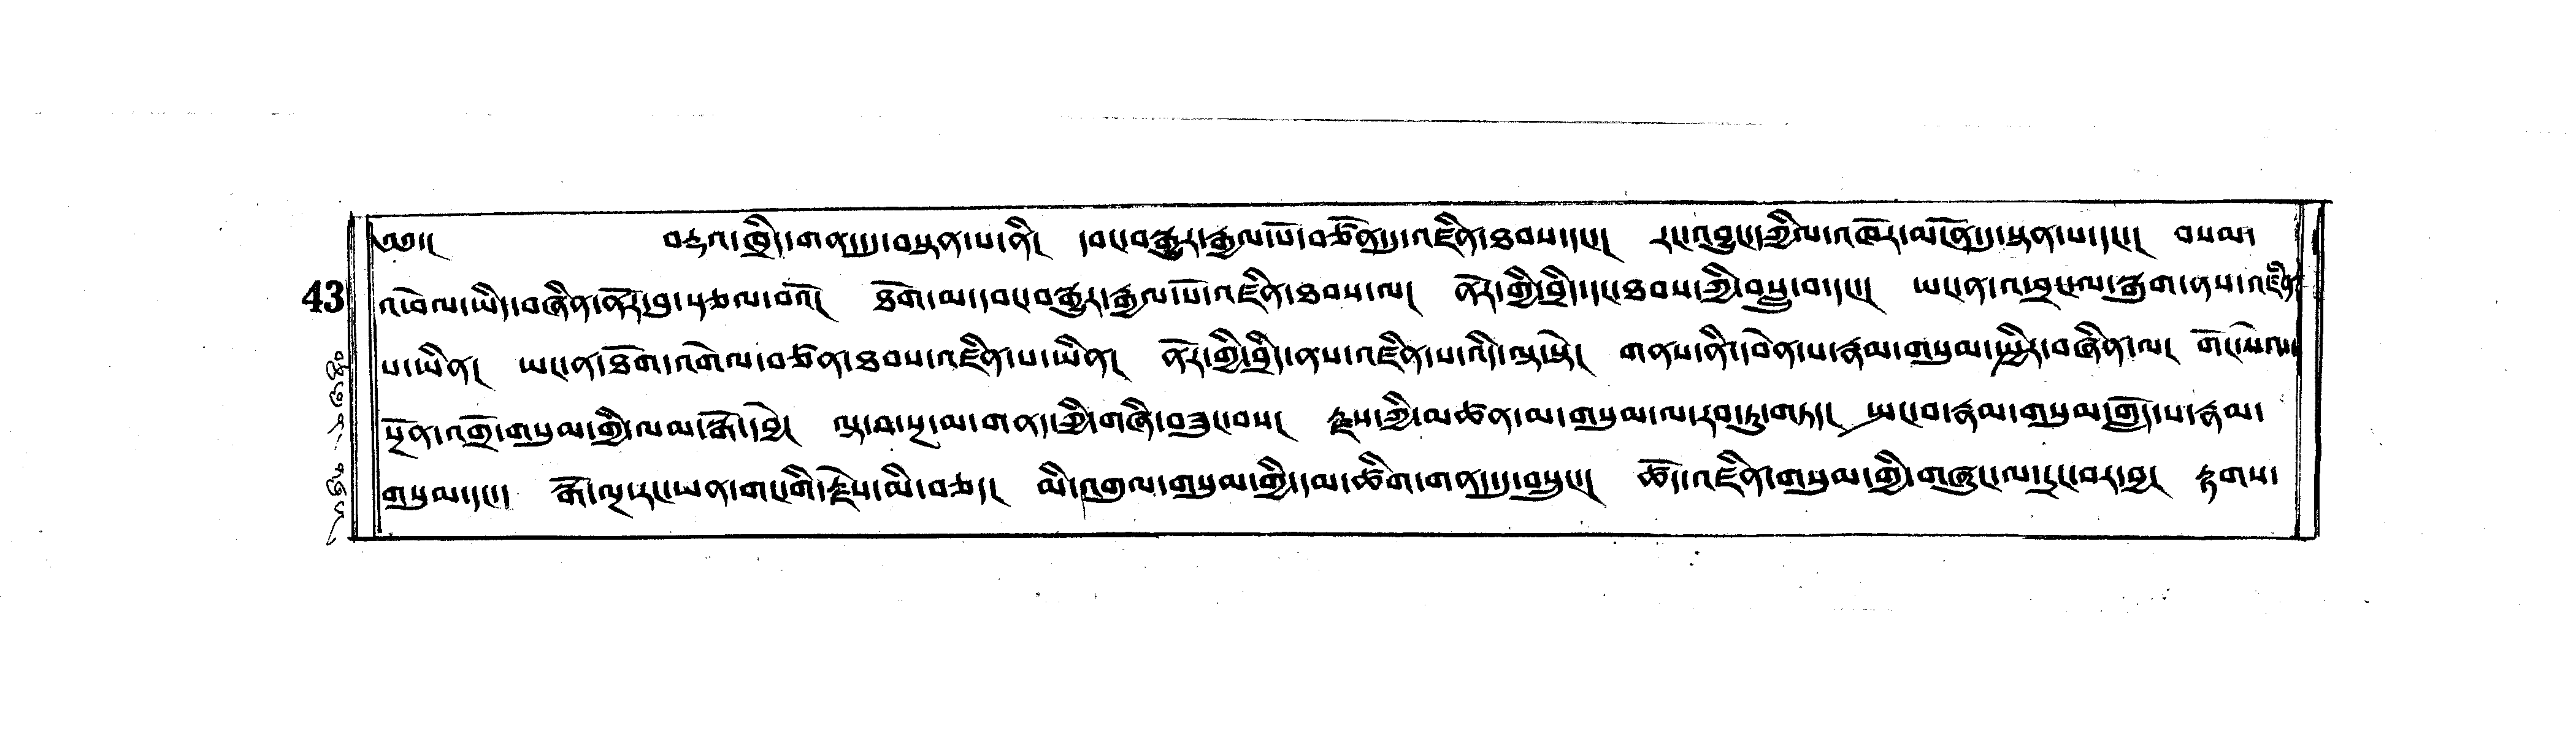བརྡ་ཁྲིད་གནད་དུ་བསྟན་པ་ནི། དབང་སྒྱུར་རྒྱལ་པོ་བཙོན་དུ་འཛིན་ཐབས་དང་། རང་འབྱུང་དཀྱིལ་འཁོར་མངོན་དུ་བསྟན་པ་དང་། བསམ་
འཕེལ་ཡིད་བཞིན་ནོར་བུ་བཙལ་བའོ། ཐོག་མ་དབང་སྒྱུར་རྒྱལ་པོ་འཛིན་ཐབས་ལ། ནོར་གྱིས་བྲིད་དང་ཐབས་ཀྱིས་བསླུ་བ་དང་། ཡང་ན་འཕྲང་ལ་སྒུགས་ནས་འཛིན་
པ་ཡིན། ཡང་ན་ཐོག་འགེལ་བཙན་ཐབས་འཛིན་པ་ཡིན། ནོར་གྱིས་བྲིད་ནས་འཛིན་པ་འདི་ལྟ་སྟེ། གནས་ནི་དབེན་པ་རྣམ་གསུམ་སྤྱིར་བཞིན་ལ། གོང་སེལ་
སྔོན་འགྲོ་གསུམ་གྱི་ལམ་སྒོ་དབྱེ། ལྟ་བ་སྔ་མ་གནད་ཀྱི་གཞི་བཟུང་བས། རྫས་ཀྱི་མཚན་མ་གསུམ་ལ་རབ་ཏུ་གཏད། སྤང་བ་རྣམ་གསུམ་གློད་པ་རྣམ་
གསུམ་དང་། སྒོ་ལྔ་རང་ཡན་གང་གི་རྗེས་མི་བཅད། མི་འགུལ་གསུམ་གྱི་དམ་ཚིག་གནད་དུ་བསྲུང་། ཚོད་འཛིན་གསུམ་གྱི་གཞུང་ལ་དྲང་བར་བྱ། རྟགས་